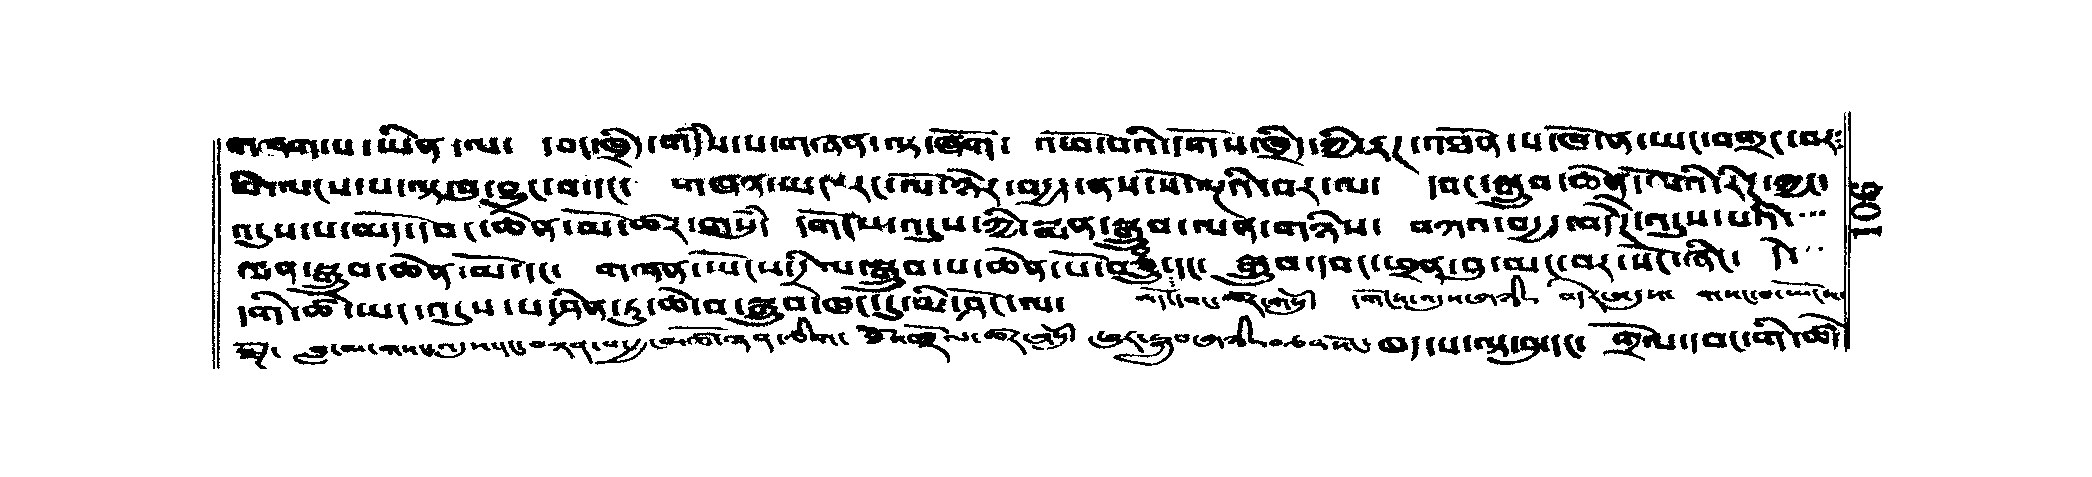གཞག་པ་ཡིན་ལ། དབང་ཁྲིད་གདམས་པ་གཞན་ལྟ་ཞོག འཕོ་བའི་དགོངས་ཁྲིད་ཀྱི་རྟགས་འཐོན་པ་ཁོ་ན་ཡང་བགྲང་བར་
མི་ལངས་པ་ལྟ་བུ་བྱུང་བ་དང་། གཞན་ཡང་རང་ལོ་ཉེར་བརྒྱད་ནས་སོ་ལྔའི་བར་ལ། དབང་སྒྲུབ་ཆེན་མོའི་རིགས་ཀྱང་
འདུས་པ་མདོ་དབང་ཆེན་མོ་ཚར་གསུམ། དགོངས་འདུས་ཀྱི་སྨན་སྒྲུབ་ལན་གཉིས། བཀའ་བརྒྱད་བདེ་གཤེགས་འདུས་པའི་
སྨན་སྒྲུབ་ཆེན་མོ་དང་། གཞན་ཡོངས་དྲིལ་སྒྲུབ་པ་ཆེན་པོ་བཅུ་དང་། སྒྲུབ་དབང་ཕྲན་བུ་མང་བར་སོང་ཞིང་།དེ་
དག་གི་ཚེ་ཡང་འདུས་པ་ཤིན་ཏུ་ཆེ་བ་སྒྲུབ་ཁང་དུ་མི་ཤོང་ལ་{ མདོ་དབང་ཚར་གསུམ། དགོངས་འདུས་གཉིས། བདེར་འདུས། གསང་བ་ཡོངས་
རྫོགས། བླ་མ་གསང་འདུས་དང་བསྟན་པ་རྒྱ་མཚོ་ལན་ཅིག ཐོས་གྲོལ་ཚར་གསུམ། ཕུར་སྒྲུབ་གཉིས་བཅས་སོ། }དག་གི་ཚེ་ཡང་འདུས་པ་ཤིན་ཏུ་ཆེ་བ་སྒྲུབ་ཁང་དུ་མི་ཤོང་ལ་ཁད་པ་ལྟ་བུ་དང་། གྲོལ་དབང་གི་ཚེ་